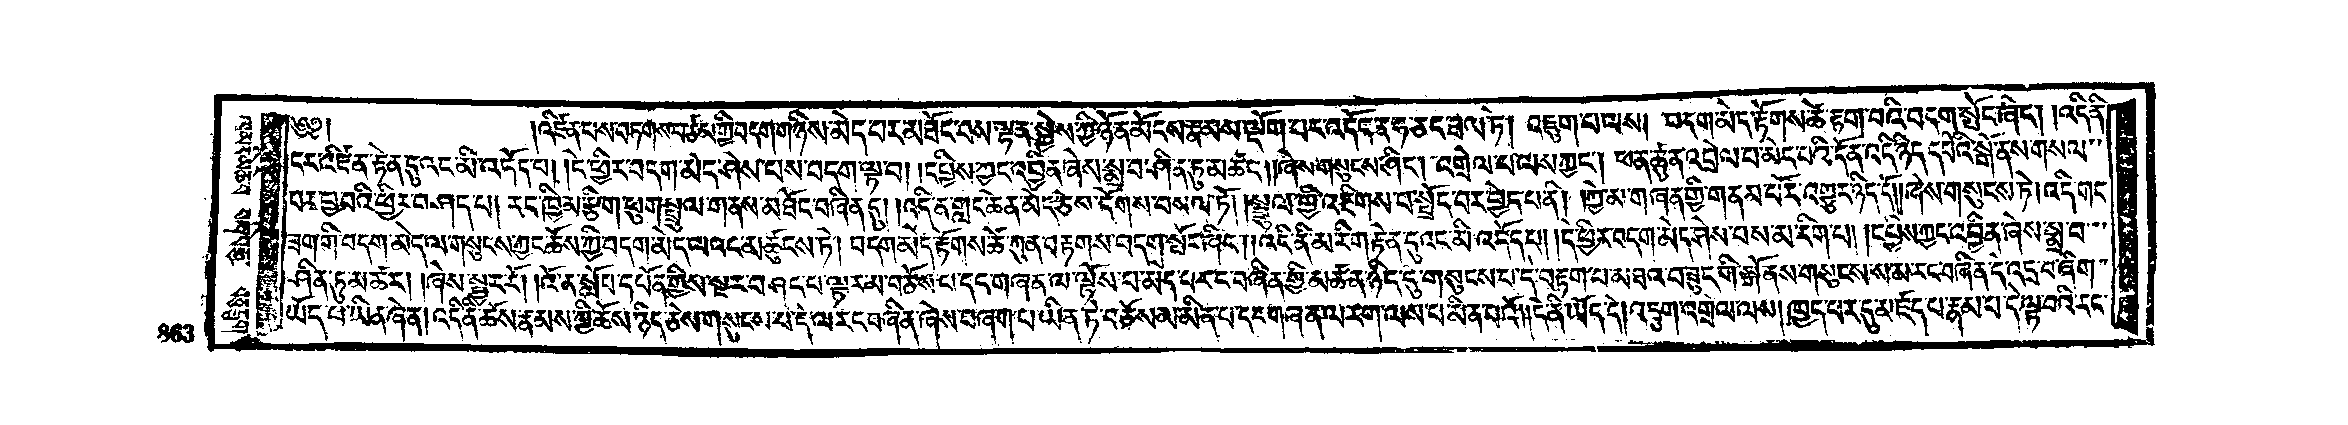༄༅། །འཛིན་པས་བཏགས་པ་ཙམ་གྱི་བདག་གཉིས་མེད་པར་མཐོང་བས་ལྷན་སྐྱེས་ཀྱི་ཉོན་མོངས་རྣམས་ལྡོག་པར་འདོད་ན་ཧ་ཅང་ཐལ་ཏེ། འཇུག་པ་ལས། བདག་མེད་རྟོགས་ཚེ་རྟག་པའི་བདག་སྤོང་ཞིང་། །འདི་ནི་
ངར་འཛིན་རྟེན་དུའང་མི་འདོད་པ། །དེ་ཕྱིར་བདག་མེད་ཤེས་པས་བདག་ལྟ་བ། །དཔྱིས་ཀྱང་འབྱིན་ཞེས་སྨྲ་བ་ཤིན་ཏུ་མཚར། །ཞེས་གསུངས་ཤིང་། འགྲེལ་པ་ལས་ཀྱང་། ཕན་ཚུན་འབྲེལ་པ་མེད་པའི་དོན་འདི་ཉིད་དཔེའི་སྒོ་ནས་གསལ་
བར་བྱ་བའི་ཕྱིར་བཤད་པ། རང་ཁྱིམ་རྩིག་ཕུག་སྦྲུལ་གནས་མཐོང་བཞིན་དུ། །འདི་ན་གླང་ཆེན་མེད་ཅེས་དོགས་བསལ་ཏེ། །སྦྲུལ་གྱི་འཇིགས་པ་སྤོང་བར་བྱེད་པ་ནི། །ཀྱེ་མ་གཞན་གྱི་གནམ་པོར་འགྱུར་ཉིད་དོ། །ཞེས་གསུངས་ཏེ། འདི་གང་
ཟག་གི་བདག་མེད་ལ་གསུངས་ཀྱང་ཆོས་ཀྱི་བདག་མེད་ལའང་མཚུངས་ཏེ། བདག་མེད་རྟོགས་ཚེ་ཀུན་བརྟགས་བདག་སྤོང་ཞིང་། །འདི་ནི་མ་རིག་རྟེན་དུའང་མི་འདོད་པ། །དེ་ཕྱིར་བདག་མེད་ཤེས་པས་མ་རིག་པ། །དཔྱིས་ཀྱང་འབྱིན་ཞེས་སྨྲ་བ་
ཤིན་ཏུ་མཚར། །ཞེས་སྦྱར་རོ། །འོ་ན་སློབ་དཔོན་གྱིས་སྔར་བཤད་པ་ལྟར་མ་བཅོས་པ་དང་གཞན་ལ་ལྟོས་པ་མེད་པ་རང་བཞིན་གྱི་མཚན་ཉིད་དུ་གསུངས་པ་དེ་བརྟག་པ་མཐའ་བཟུང་གི་སྒོ་ནས་གསུངས་སམ་རང་བཞིན་དེ་འདྲ་བ་ཞིག་
ཡོད་པ་ཡིན་ཞེ་ན། འདི་ནི་ཆོས་རྣམས་ཀྱི་ཆོས་ཉིད་ཅེས་གསུངས་པ་དེ་ལ་རང་བཞིན་ཞེས་བཞག་པ་ཡིན་ཏེ་བཅོས་མ་མིན་པ་དང་གཞན་ལ་རག་ལས་པ་མིན་པའོ། །དེ་ནི་ཡོད་དེ། འཇུག་འགྲེལ་ལས། ཁྱད་པར་དུ་མཛད་པ་རྣམ་པ་དེ་ལྟ་བུའི་རང་